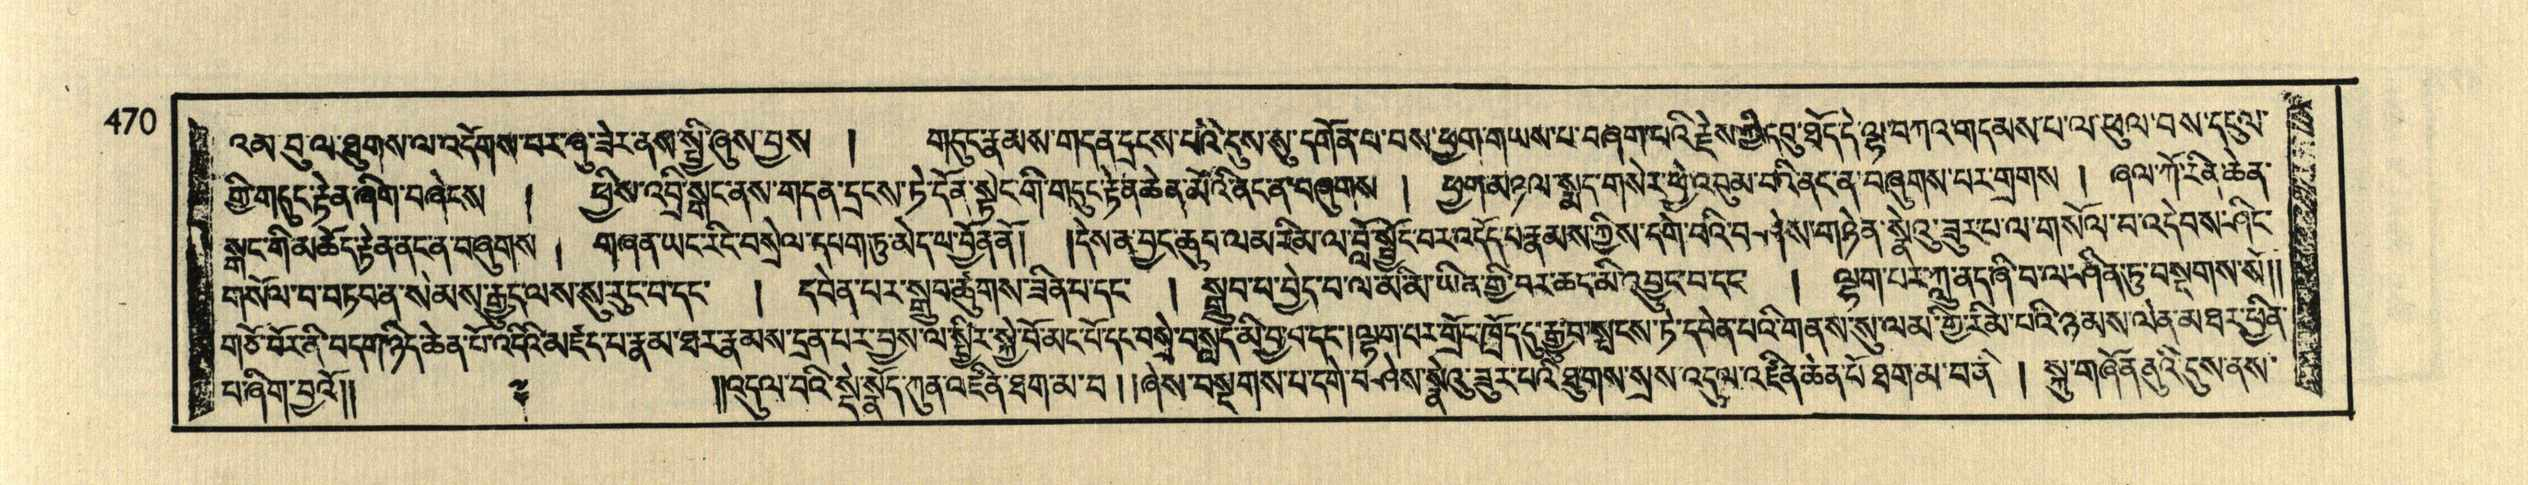འམ་བུ་ལ་ཐུགས་ལ་འདོགས་པར་ཞུ་ཟེར་ནས་སྤྱི་ཞུས་བྱས། གདུང་རྣམས་གདན་དྲངས་པའི་དུས་སུ་དགོན་པ་བས་ཕྱག་གཡས་པ་བཞག་པའི་རྗེས་ཀྱི་དབུ་ཐོད་དེ་ལྷ་བཀའ་གདམས་པ་ལ་ཕུལ་བས་དངུལ་
གྱི་གདུང་རྟེན་ཞིག་བཞེངས། ཕྱིས་འབྲི་སྒང་ནས་གདན་དྲངས་ཏེ་དོན་སྟེང་གི་གདུང་རྟེན་ཆེན་མོའི་ནང་ན་བཞུགས། ཕྱག་མཉལ་སྨད་གསེར་ཕྱེ་འབུམ་པའི་ནང་ན་བཞུགས་པར་གྲགས། ཞལ་ཀོ་རིན་ཆེན་
སྒང་གི་མཆོད་རྟེན་ནང་ན་བཞུགས། གཞན་ཡང་རིང་བསྲེལ་དཔག་ཏུ་མེད་ལ་བྱོན་ནོ། །དེས་ན་བྱང་ཆུབ་ལམ་རིམ་ལ་བློ་སྦྱོང་བར་འདོད་པ་རྣམས་ཀྱིས་དགེ་བའི་བཤེས་གཉེན་སྣེའུ་ཟུར་པ་ལ་གསོལ་བ་འདེབས་ཤིང་
གསོལ་བ་བཏབ་ན་སེམས་རྒྱུད་ལས་སུ་རུང་བ་དང་། དབེན་པར་སྒྲུབ་ཚུགས་ཟིན་པ་དང་། སྒྲུབ་པ་བྱེད་པ་ལ་མ་མི་ཡིན་གྱི་བར་ཆད་མི་འབྱུང་བ་དང་། ལྷག་པར་ཀླུ་ནད་ཞི་བ་ལ་ཤིན་ཏུ་བསྔགས་སོ། །
གཙོ་བོར་ནི་བདག་ཉིད་ཆེན་པོ་འདིའི་མཛད་པ་རྣམ་ཐར་རྣམས་དྲན་པར་བྱས་ལ་སྤྱིར་སྐྱེ་བོ་མང་པོ་དང་བསྲེ་བསླད་མི་བྱ་བ་དང་། ལྷག་པར་གྲོང་ཁྲོད་དུ་རྒྱུ་བ་སྤངས་ཏེ་དབེན་པའི་གནས་སུ་ལམ་གྱི་རིམ་པའི་ཉམས་ལེན་མཐར་ཕྱིན་
པ་ཞིག་བྱའོ།། ༈ །།འདུལ་བའི་སྡེ་སྣོད་ཀུན་འཛིན་ཐག་མ་བ། །ཞེས་བསྔགས་པ་དགེ་བཤེས་སྣེའུ་ཟུར་པའི་ཐུགས་སྲས་འདུལ་འཛིན་ཆེན་པོ་ཐག་མ་བ་ནི། སྐུ་གཞོན་ནུའི་དུས་ནས་